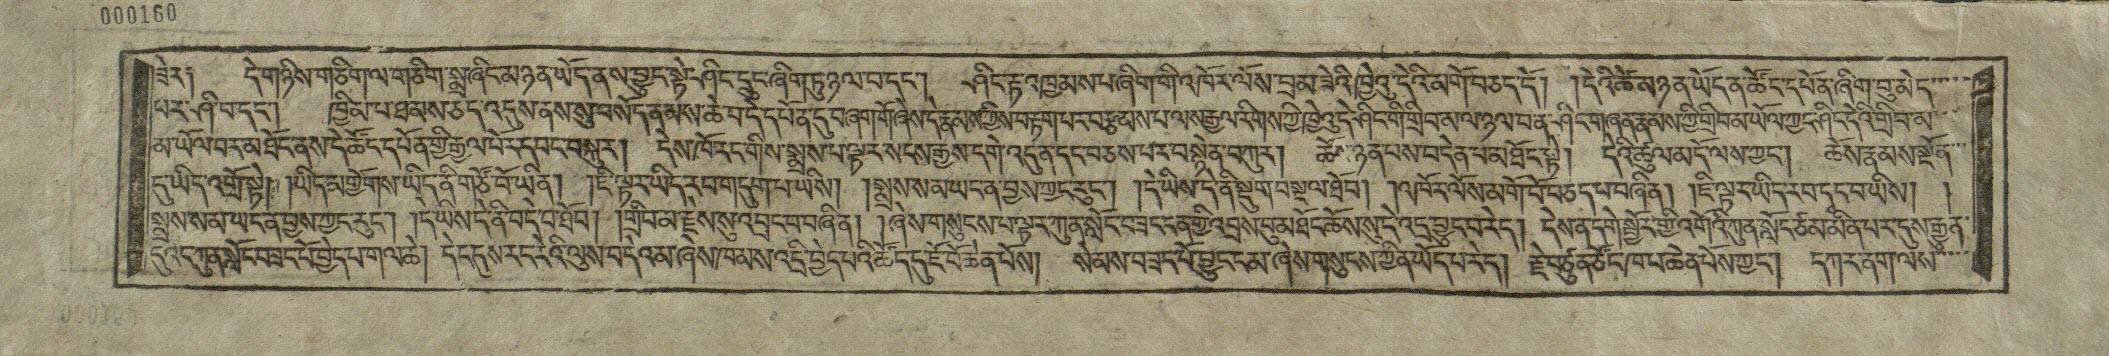ཟེར༑ དེ་གཉིས་གཅིག་ལ་གཅིག་སྨྲ་ཞིང་མཉན་ཡོད་ནས་བྱུང་སྟེ་ཤིང་དྲུང་ཞིག་ཏུ་ཉལ་བ་དང་། ཤིང་རྟ་འཁྱམས་པ་ཞིག་གི་འཁོར་ལོས་བྲམ་ཟེའི་ཁྱེའུ་དེའི་མགོ་བཅད་དོ། །དེའི་ཚེ་མཉན་ཡོད་ན་ཚོང་དཔོན་ཞིག་བུ་མེད་
པར་ཤི་བ་དང་། ཁྱིམ་པ་ཐམས་ཅད་འདུས་ནས་སུ་བསོད་ནམས་ཆེ་བ་དེ་དཔོན་དུ་བཞག་གོ་ཞེས་དེ་རྣམས་ཀྱིས་བརྟག་པར་བརྩམས་པ་ལས་རྒྱལ་རིགས་ཀྱི་ཁྱེའུ་དེ་ཤིང་གི་གྲིབ་མ་ལ་ཉལ་བ་ན་ཤིང་གཞན་རྣམས་ཀྱི་གྲིབ་མ་ཡོལ་ཀྱང་ཤིང་དེའི་གྲིབ་མ་
མ་ཡོལ་བར་མཐོང་ནས་དེ་ཚོང་དཔོན་གྱི་རྒྱལ་པོར་དབང་བསྐུར། དེས་ཁོ་རང་གིས་སྨྲས་པ་ལྟར་སངས་རྒྱས་དགེ་འདུན་དང་བཅས་པར་བསྙེན་བཀུར། ཆོས་ཉན་པས་བདེན་པ་མཐོང་སྟེ། དེའི་ཚུལ་མདོ་ལས་ཀྱང་། ཆོས་རྣམས་སྔོན་
དུ་ཡིད་འགྲོ་སྟེ། །ཡིད་མགྱོགས་ཡིད་ནི་གཙོ་བོ་ཡིན། །ཇི་ལྟར་ཡིད་རབ་གདུག་པ་ཡིས། །སྨྲས་སམ་ཡང་ན་བྱས་ཀྱང་རུང་། །དེ་ཡིས་དེ་ནི་སྡུག་བསྔལ་ཐོབ། །འཁོར་ལོས་མགོ་བོ་བཅད་པ་བཞིན། །ཇི་ལྟར་ཡིད་རབ་དང་བ་ཡིས། །
སྨྲས་སམ་ཡང་ན་བྱས་ཀྱང་རུང་། །དེ་ཡིས་དེ་ནི་བདེ་བ་ཐོབ། །གྲིབ་མ་རྗེས་སུ་འབྲང་བ་བཞིན། །ཞེས་གསུངས་པ་ལྟར་ཀུན་སློང་བཟང་ངན་གྱི་འབྲས་བུ་མཐོང་ཆོས་སུ་དེ་འདྲ་བྱུང་བ་རེད། དེས་ན་དགེ་སྦྱོར་གྱི་འགོའི་ཀུན་སློང་ཙམ་མིན་པར་དུས་རྒྱུན་
དུའང་ཀུན་སློང་བཟང་པོ་བྱེད་པ་གལ་ཆེ། དེང་དུས་རང་རེའི་ལུས་བདེའམ་ཞེས་ཁམས་འདྲི་བྱེད་པའི་ཚོད་དུ་ཇོ་བོ་ཆེན་པོས། སེམས་བཟང་པོ་བྱུང་ངམ་ཞེས་གསུངས་ཀྱིན་ཡོད་པ་རེད། རྗེ་བཙུན་ཙོང་ཁ་པ་ཆེན་པོས་ཀྱང་། དཀར་ནག་ལས་